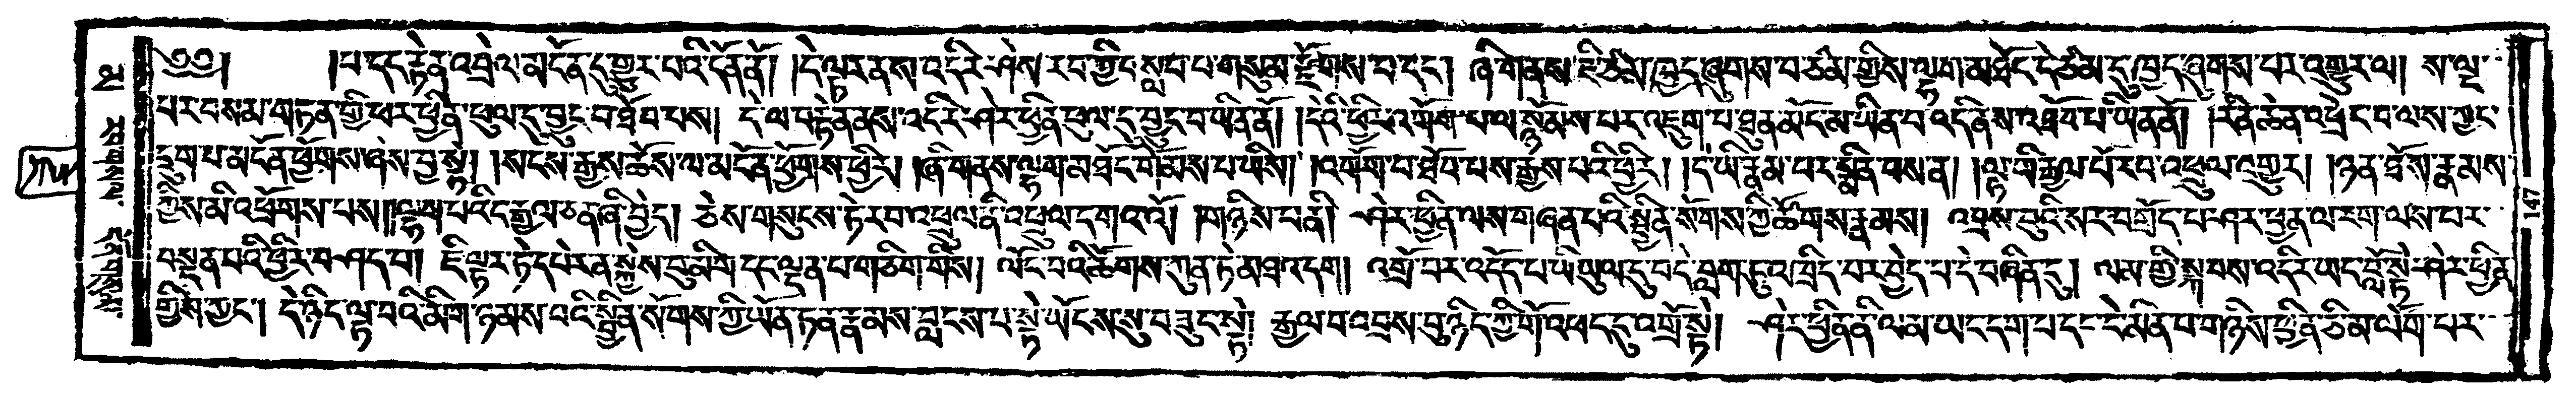༄༅། །པ་དང་རྟེན་འབྲེལ་མངོན་དུ་གྱུར་པའི་དོན་ནོ། །དེ་ལྟར་ན་ས་འདིར་ཤེས་རབ་ཀྱི་བསླབ་པ་གསུམ་རྫོགས་པ་དང་། ཞི་གནས་ཇི་ཙམ་ཁྱད་ཞུགས་པ་ཙམ་གྱིས་ལྷག་མཐོང་དེ་ཙམ་དུ་ཁྱད་ཞུགས་པར་འགྱུར་ལ། ས་ལྔ་
པར་བསམ་གཏན་གྱི་ཕར་ཕྱིན་ཕུལ་དུ་བྱུང་བ་ཐོབ་པས། དེ་ལ་བརྟེན་ནས་འདིར་ཤེར་ཕྱིན་ཕུལ་དུ་བྱུང་བ་ཡིན་ནོ། །དེའི་ཕྱིར་འགོག་པ་ལ་སྙོམས་པར་འཇུག་པ་ཐུན་མོང་མ་ཡིན་པ་འདི་ནས་འཐོབ་པ་ཡིན་ནོ། །རིན་ཆེན་འཕྲེང་བ་ལས་ཀྱང་
དྲུག་པ་མངོན་ཕྱོགས་ཞེས་བྱ་སྟེ། །སངས་རྒྱས་ཆོས་ལ་མངོན་ཕྱོགས་ཕྱིར། །ཞི་གནས་ལྷག་མཐོང་གོམས་པ་ཡིས། །འགོག་པ་ཐོབ་པས་རྒྱས་པའི་ཕྱིར། །དེ་ཡི་རྣམ་པར་སྨིན་པས་ན། །ལྷ་ཡི་རྒྱལ་པོ་རབ་འཕྲུལ་འགྱུར། །ཉན་ཐོས་རྣམས་
ཀྱིས་མི་འཕྲོགས་པས། །ལྷག་པའི་ང་རྒྱལ་ཅན་ཞི་བྱེད། ཅེས་གསུངས་ཏེ་རབ་འཕྲུལ་ནི་འཕྲུལ་དགའ་འོ། །གཉིས་པ་ནི། ཤེར་ཕྱིན་ལས་གཞན་པའི་སྦྱིན་སོགས་ཀྱི་ཚོགས་རྣམས། འབྲས་བུའི་སར་བགྲོད་པ་ཤེར་ཕྱིན་ལ་རག་ལས་པར་
བསྟན་པའི་ཕྱིར་བཤད་པ། ཇི་ལྟར་ཏེ་དཔེར་ན་སྐྱེས་བུ་མིག་དང་ལྡན་པ་གཅིག་གིས། ལོང་བའི་ཚོགས་ཀུན་ཏེ་མཐའ་དག །འགྲོ་བར་འདོད་པ་ཡི་ཡུལ་དུ་བདེ་བླག་ཏུ་འཁྲིད་པར་བྱེད་པ་དེ་བཞིན་དུ། ལམ་གྱི་སྐབས་འདིར་ཡང་བློ་སྟེ་ཤེར་ཕྱིན་
གྱིས་ཀྱང་། དེ་ཉིད་ལྟ་བའི་མིག་ཉམས་པའི་སྦྱིན་སོགས་ཀྱི་ཡོན་ཏན་རྣམས་བླངས་པ་སྟེ་ཡོངས་སུ་བཟུང་སྟེ། རྒྱལ་བ་འབྲས་བུ་ཉིད་ཀྱི་གོ་འཕང་དུ་འགྲོ་སྟེ། ཤེར་ཕྱིན་ནི་ལམ་ཡང་དག་པ་དང་དེ་མིན་པ་གཉིས་ཕྱིན་ཅི་མ་ལོག་པར་